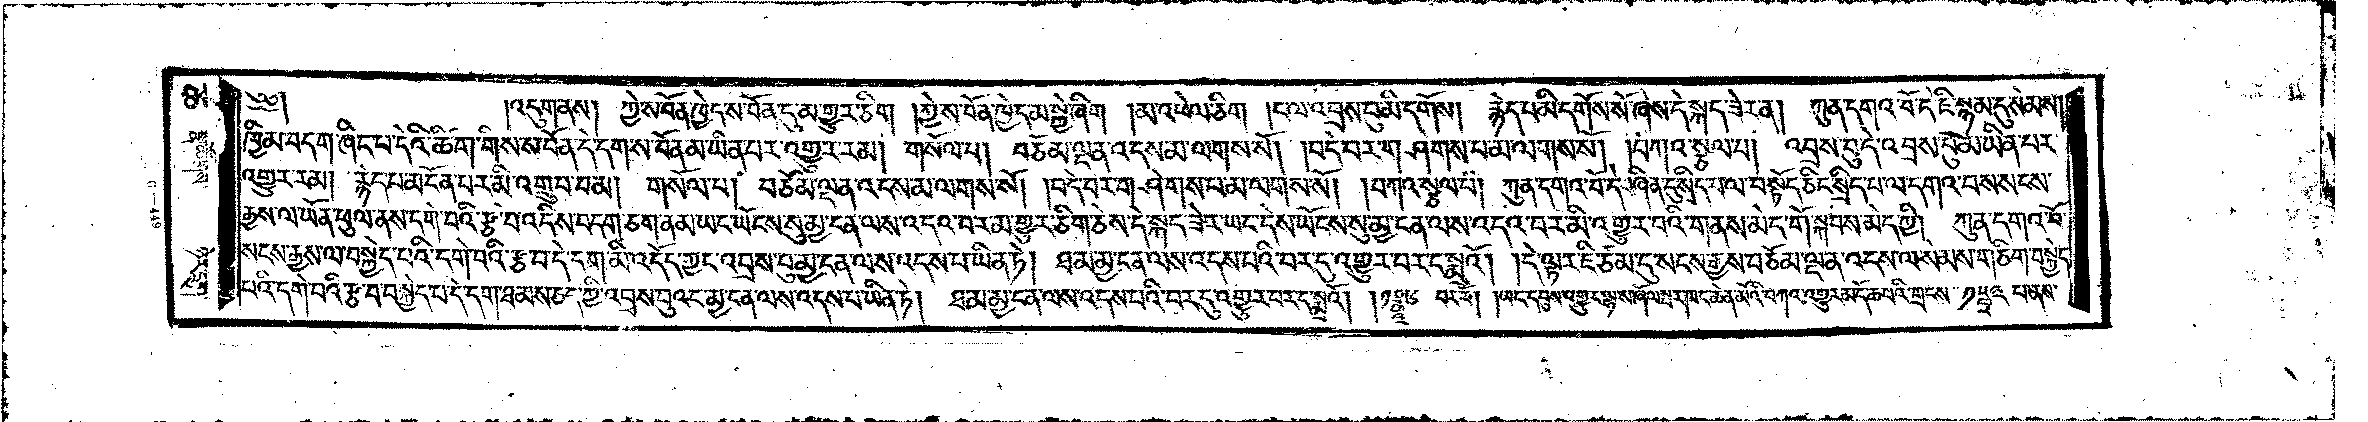༄༅། །འདུག་ནས། ཀྱེ་ས་བོན་ཁྱེད་ས་བོན་དུ་མ་གྱུར་ཅིག །ཀྱེ་ས་བོན་ཁྱེད་མ་སྐྱེ་ཞིག །མ་འཕེལ་ཅིག །ང་ལ་འབྲས་བུ་མི་དགོས། རྙེད་པ་མི་དགོས་སོ་ཞེས་དེ་སྐད་ཟེར་ན། ཀུན་དགའ་བོ་ད་ཇི་སྙམ་དུ་སེམས་
ཁྱིམ་བདག་ཞིང་པ་དེའི་ཚིག་གིས་ས་བོན་དེ་དག་ས་བོན་མ་ཡིན་པར་འགྱུར་རམ། གསོལ་བ། བཅོམ་ལྡན་འདས་མ་ལགས་སོ། །བདེ་བར་གཤེགས་པ་མ་ལགས་སོ། །བཀའ་སྩལ་བ། འབྲས་བུ་དེ་འབྲས་བུ་མ་ཡིན་པར་
འགྱུར་རམ། རྙེད་པ་མངོན་པར་མི་འགྲུབ་བམ། གསོལ་པ། བཅོམ་ལྡན་འདས་མ་ལགས་སོ། །བདེ་བར་གཤེགས་པ་མ་ལགས་སོ། །བཀའ་སྩལ་བ། ཀུན་དགའ་བོ་དེ་བཞིན་དུ་སྲིད་པ་ལ་བསྟོད་ཅིང་སྲིད་པ་ལ་དགའ་བས་སངས་
རྒྱས་ལ་ཡོན་ཕུལ་ནས་དགེ་བའི་རྩ་བ་འདིས་བདག་ཅག་ནམ་ཡང་ཡོངས་སུ་མྱ་ངན་ལས་འདའ་བར་མ་གྱུར་ཅིག་ཅེས་དེ་སྐད་ཟེར་ཡང་དེས་ཡོངས་སུ་མྱ་ངན་ལས་འདའ་བར་མི་འགྱུར་བའི་གནས་མེད་གོ་སྐབས་མེད་ཀྱི། ཀུན་དགའ་བོ་
སངས་རྒྱས་ལ་བསྐྱེད་པའི་དགེ་བའི་རྩ་བ་དེ་དག་མི་འདོད་ཀྱང་འབྲས་བུ་མྱ་ངན་ལས་འདས་པ་ཡིན་ཏེ། ཐམ་མྱ་ངན་ལས་འདས་པའི་བར་དུ་འགྱུར་བར་ང་སྨྲའོ། །དེ་ལྟར་ཇི་ཙམ་དུ་སངས་རྒྱས་བཅོམ་ལྡན་འདས་ལ་སེམས་གཅིག་བསྐྱེད་
པའི་དགེ་བའི་རྩ་བ་བསྐྱེད་པ་དེ་དག་ཐམས་ཅད་ཀྱི་འབྲས་བུའང་མྱ་ངན་ལས་འདས་པ་ཡིན་ཏེ། ཐམ་མྱ་ངན་ལས་འདས་པའི་བར་དུ་འགྱུར་བར་ང་སྨྲའོ། །༡༠༦ན༣་བར་རོ། །ཡང་དབུས་པ་གྱུར་ལྷས་ཞོལ་སླར་ཁང་ཆེན་མོའི་བཀའ་འགྱུར་མདོ་ཆ་པའི་གྲངས ༡༥༣བ༣་པ་ནས